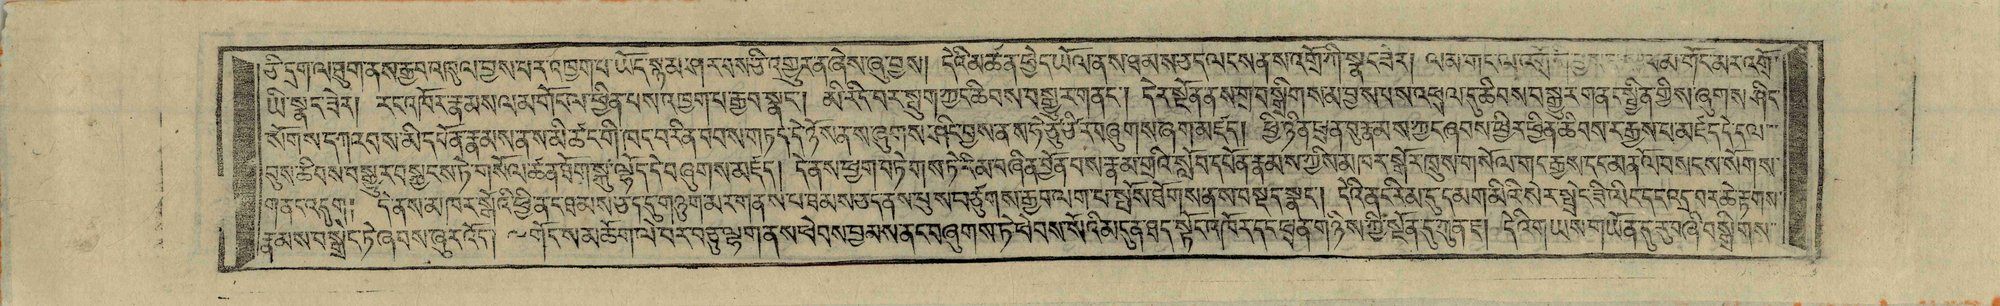ཅི་དྲག་ལ་ཐུག་ནས་རྒྱབ་འཁུལ་བྱས་པར་འཁྱག་པ་ཡོད་སྙམ་ཤར་བས་ཅི་འགྱུར་ན་ཞེས་ཞུ་བྱས། དེའི་མཚན་ཕྱེད་ཡོལ་ནས་ཐམས་ཅད་ལངས་ནས་འགྲོ་ཀི་སྣང་ཟེར། ལམ་གང་ལ་འགྲོ་ཀི་བྱས་པས་ལམ་གོང་མར་འགྲོ་
ཡི་སྣང་ཟེར། རང་འཁོར་རྣམས་ལམ་གོང་ལ་ཕྱིན་པས་འཁྱག་པ་རྒྱབ་སྣང་། མི་རིང་བར་སྤུག་ཀྱང་ཆིབས་བསྒྱུར་གནང་། དེར་སྔོན་ནས་གྲ་བསྒྲིགས་མ་བྱས་པས་འཕྲལ་དུ་ཆིབས་བསྒྱུར་གནང་སྤྱིན་གྱིས་ཞུགས་ཤིང་
སོགས་དཀའ་བས་མི་དཔོན་རྣམས་ནས་མི་ཚང་གི་ཁང་བ་རིན་བབས་གཏད་དེ་ཉོས་ནས་ཞུགས་ཤིང་བྱས་ནས་ཧེ་ཙུ་ཙིར་བཞུགས་ཞག་མཛད། ཕྱི་ཉིན་ཕྲན་བུ་རྣམས་ཀྱང་ཞབས་ཕྱིར་ཕྱིན་ཆིབས་ར་རྒྱས་པ་མཛད་དེ་དལ་
བུས་ཆིབས་བསྒྱུར་བསྐྱངས་ཏེ་གསོལ་ཚན་ཐོག་སྐུ་ལྷོད་དེ་བཞུགས་མཛད། དེ་ནས་ཕྱག་བཏེགས་ཏེ་རིམ་བཞིན་བྱོན་པས་རྣམ་གྲའི་སློབ་དཔོན་རྣམས་ཀྱིས་མཁར་སྒོར་ཁྲུས་གསོལ་གང་རྒྱས་དང་མནོལ་བསངས་སོགས་
གནང་འདུག །དེ་ནས་མཁར་སྒོའི་ཕྱི་ནང་ཐམས་ཅད་དུ་གཉུག་མར་གནས་པ་ཐམས་ཅད་ནས་པུས་བཙུགས་རྒྱབ་ལག་པ་སྤོས་ཐོགས་ནས་བསྡད་སྣང་། དེའི་ནང་རིམ་དུ་དམག་མིའི་སེར་སྤྲེང་ཟི་ལིང་དང་འདྲ་བར་ཆེ་རྟགས་
རྣམས་བསྒྲེང་ཏེ་ཞབས་ཞུར་འོང་། ༧གོང་ས་མཆོག་ལེ་བར་བཅུ་ལྷག་ནས་ཕེབས་བྱམས་ནང་བཞུགས་ཏེ་ཕེབས་སོའི་མདུན་ཐད་སྟོང་འཁོར་དང་ཕྲན་གཉིས་ཀྱི་སྔོན་དུ་ཀུན་ཇ། དེའི་གཡས་གཡོན་དུ་རུ་བཞི་བསྒྲིགས་